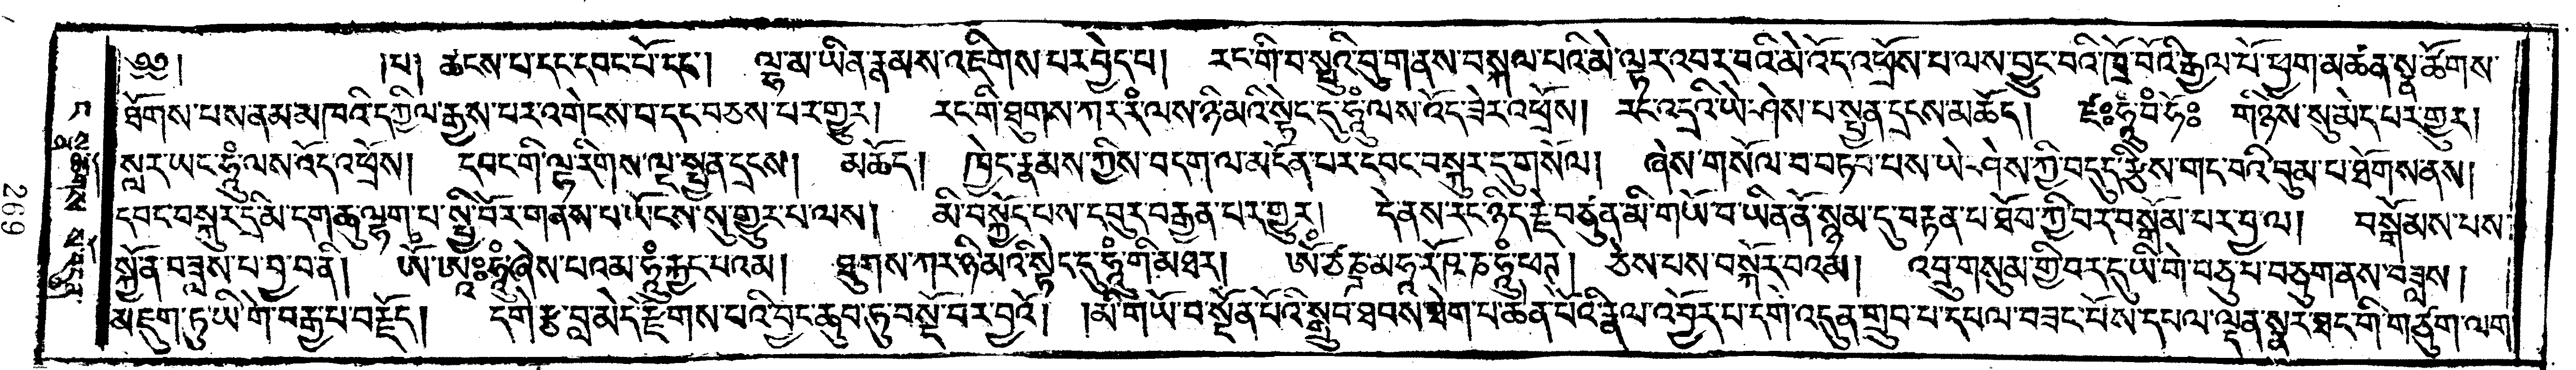༄༅། །པ༑ ཚངས་པ་དང་དབང་པོ་དང་། ལྷ་མ་ཡིན་རྣམས་འཇིགས་པར་བྱེད་པ། རང་གི་བ་སྤུའི་བུ་གནས་བསྐལ་པའི་མེ་ལྟར་འབར་བའི་མེ་འོད་འཕྲོས་པ་ལས་བྱུང་བའི་ཁྲོ་བོའི་རྒྱལ་པོ་ཕྱག་མཚན་སྣ་ཚོགས་
ཐོགས་པས་ནམ་མཁའི་དཀྱིལ་རྒྱས་པར་འགེངས་པ་དང་བཅས་པར་གྱུར། རང་གི་ཐུགས་ཀར་རཾ་ལས་ཉི་མའི་སྟེང་དུ་ཧཱུཾ་ལས་འོད་ཟེར་འཕྲོས། རང་འདྲའི་ཡེ་ཤེས་པ་སྤྱན་དྲངས་མཆོད། ཛཿ ཧཱུཾ་བཾ་ཧོཿ གཉིས་སུ་མེད་པར་གྱུར།
སླར་ཡང་ཧཱུཾ་ལས་འོད་འཕྲོས། དབང་གི་ལྷ་རིགས་ལྔ་སྤྱན་དྲངས། མཆོད། ཁྱེད་རྣམས་ཀྱིས་བདག་ལ་མངོན་པར་དབང་བསྐུར་དུ་གསོལ། ཞེས་གསོལ་བ་བཏབ་པས་ཡེ་ཤེས་ཀྱི་བདུད་རྩིས་གང་བའི་བུམ་པ་ཐོགས་ནས།
དབང་བསྐུར་དྲི་མི་དག་ཆུ་ལྷག་པ་སྤྱི་བོར་གནས་པ་ཡོངས་སུ་གྱུར་པ་ལས། མི་བསྐྱོད་པས་དབུར་བརྒྱན་པར་གྱུར། དེ་ནས་རང་ཉིད་རྗེ་བཙུན་མི་གཡོ་བ་ཡིན་ནོ་སྙམ་དུ་བརྟན་པ་ཐོབ་ཀྱི་བར་བསྒོམ་པར་བྱ་ལ། བསྒོམས་པས་
སྐྱོ་ན་བཟླས་པ་བྱ་བ་ནི། ཨོཾ་ཨཱཿ ཧཱུཾ་ཞེས་པའམ་ཧཱུཾ་རྐྱང་པའམ། ཐུགས་ཀར་ཉི་མའི་སྟེང་དུ་ཧཱུཾ་གི་མཐར། ཨོཾ་ཙཎྜ་མཧཱ་རོ་ཥ་ཎ་ཧཱུཾ་ཕཊ། ཅེས་པས་བསྐོར་བའམ། འབྲུ་གསུམ་གྱི་བར་དུ་ཡི་གེ་བཅུ་པ་བཅུག་ནས་བཟླས།
མཇུག་ཏུ་ཡི་གེ་བརྒྱ་པ་བརྗོད། དགེ་རྩ་བལ་མེད་རྫོགས་པའི་བྱང་ཆུབ་ཏུ་བསྔོ་བར་བྱའོ། །མི་གཡོ་བ་སྔོན་པོའི་སྒྲུབ་ཐབས་ཐེག་པ་ཆེན་པོའི་རྣལ་འབྱོར་པ་དགེ་འདུན་གྲུབ་པ་དཔལ་བཟང་པོས་དཔལ་ལྡན་སྣར་ཐང་གི་གཙུག་ལག་